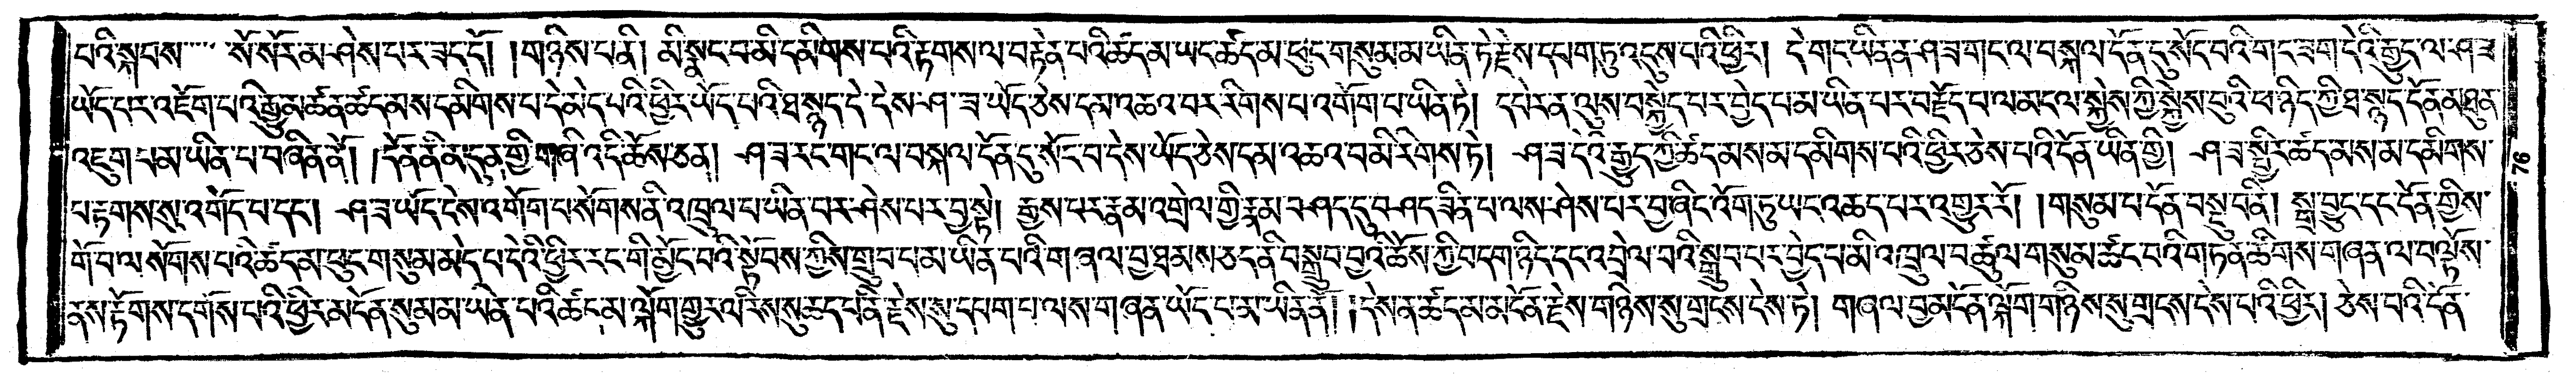པའི་སྐབས་སོ་སོར་མ་ཤེས་པར་ཟད་དོ། །གཉིས་པ་ནི། མི་སྣང་བ་མི་དམིགས་པའི་རྟགས་ལ་བརྟེན་པའི་ཚད་མ་ཡང་ཚད་མ་ཕུང་གསུམ་མ་ཡིན་ཏེ་རྗེས་དཔག་ཏུ་འདུས་པའི་ཕྱིར། དེ་གང་ཡིན་ན་ཤ་ཟ་གང་ལ་བསྐལ་དོན་དུ་སོང་བའི་གང་ཟག་དེའི་རྒྱུད་ལ་ཤ་ཟ་
ཡོད་པར་འཇོག་པའི་རྒྱུ་མཚན་ཚད་མས་དམིགས་པ་དེ་མེད་པའི་ཕྱིར་ཡོད་པའི་ཐ་སྙད་དེ་དེས་ཤ་ཟ་ཡོད་ཅེས་དམ་འཆའ་བར་རིགས་པ་འགོག་པ་ཡིན་ཏེ། དཔེར་ན་ལུས་བསྐྱེད་པར་བྱེད་པ་མ་ཡིན་པར་བརྗོད་པ་ལ་མངལ་སྐྱེས་ཀྱི་སྐྱེས་བུའི་ཕ་ཉིད་ཀྱི་ཐ་སྙད་དོན་མཐུན་
འཇུག་པ་མ་ཡིན་པ་བཞིན་ནོ། །དོན་ནི་མདུན་གྱི་གཞི་འདི་ཆོས་ཅན། ཤ་ཟ་རང་གང་ལ་བསྐལ་དོན་དུ་སོང་བ་དེས་ཡོད་ཅེས་དམ་འཆའ་བ་མི་རིགས་ཏེ། ཤ་ཟ་དེའི་རྒྱུད་ཀྱི་ཚད་མས་མ་དམིགས་པའི་ཕྱིར་ཅེས་པའི་དོན་ཡིན་གྱི། ཤ་ཟ་སྤྱིར་ཚད་མས་མ་དམིགས་
པ་རྟགས་སུ་འགོད་པ་དང་། ཤ་ཟ་ཡོད་ངེས་འགོག་པ་སོགས་ནི་འཁྲུལ་པ་ཡིན་པར་ཤེས་པར་བྱ་སྟེ། རྒྱས་པར་རྣམ་འགྲེལ་གྱི་རྣམ་བཤད་དུ་བཤད་ཟིན་པ་ལས་ཤེས་པར་བྱ་ཞིང་འོག་ཏུ་ཡང་འཆད་པར་འགྱུར་རོ། །གསུམ་པ་དོན་བསྡུ་བ་ནི། སྒྲ་བྱུང་དང་དོན་གྱིས་
གོ་བ་ལ་སོགས་པའི་ཚད་མ་ཕུང་གསུམ་མེད་པ་དེའི་ཕྱིར་རང་གི་མྱོང་བའི་སྟོབས་ཀྱིས་གྲུབ་པ་མ་ཡིན་པའི་གཞལ་བྱ་ཐམས་ཅད་ནི་བསྒྲུབ་བྱའི་ཆོས་ཀྱི་བདག་ཉིད་དང་འབྲེལ་བའི་སྒྲུབ་པར་བྱེད་པ་མི་འཁྲུལ་བ་ཚུལ་གསུམ་ཚང་བའི་གཏན་ཚིགས་གཞན་ལ་བལྟོས་
ནས་རྟོགས་དགོས་པའི་ཕྱིར་མངོན་སུམ་མ་ཡིན་པའི་ཚད་མ་ལྐོག་གྱུར་ལ་རིས་སུ་ཆད་པ་ནི་རྗེས་སུ་དཔག་པ་ལས་གཞན་ཡོད་པ་མ་ཡིན་ནོ། །དེས་ན་ཚད་མ་མངོན་རྗེས་གཉིས་སུ་གྲངས་ངེས་ཏེ། གཞལ་བྱ་མངོན་ལྐོག་གཉིས་སུ་གྲངས་ངེས་པའི་ཕྱིར། ཅེས་པའི་དོན་